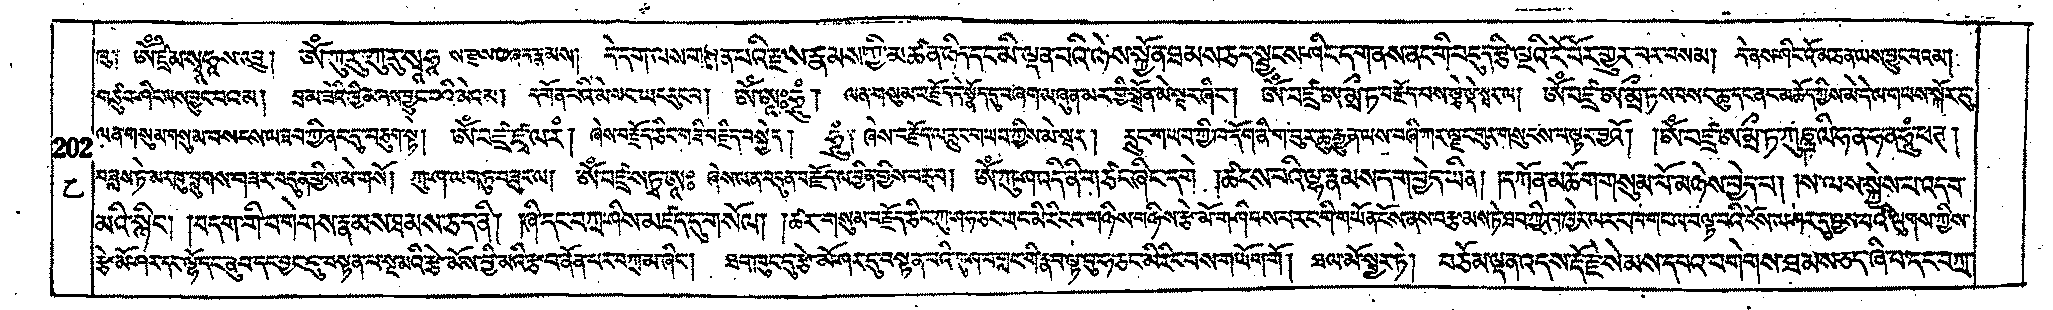ཁུ༑ ཨོཾ་ཛྲིམ་སྭཱཧཱསའབྲུ།  ཨོཾ་ཀུ་རུ་ཀུ་རུ་སྭཱཧཱསརྫས་བཞན་རྣམས།  དེ་དག་ལས་གཞན་པའི་རྫས་རྣམས་ཀྱི་མཚན་ཉིད་དང་མི་ལྡན་པའི་ཉེས་སྐྱོན་ཐམས་ཅད་སྦྱང་ཤིང་དག་ནང་གི་བདུད་རྩི་ལྔའི་ངོ་བོར་གྱུར་པར་བསམ། དེ་ནས་ཤིང་འོ་མ་ཅན་ལས་བྱུང་བའམ།
གཙུབ་ཤིང་ལས་བྱུང་བའམ། བྲམ་ཟེའི་ཁྱིམ་ནས་བྱུང་བའི་མེའམ། དགོན་པའི་མེ་ཡང་ཡང་རུང་བ། ཨོཾ་ཨཱཿཧཱུཾ། ལན་གསུམ་བརྗོད་དེ་སྣོད་དུ་བཞག་ལ་ཞུན་མར་གྱི་སྒྲོན་མེ་སྦར་ཞིང་།  ཨོཾ་བཛྲ་ཨ་མྲྀ་ཏ་བརྗོད་པས་ལྕེ་ལྡེ་སྦར་ལ།  ཨོཾ་བཛྲ་ཨ་མྲྀ་ཏསྦྶང་ཆུ་དང་ནང་མཆོད་ཀྱིས་མེ་དེ་ལ་གཡས་སྐོར་དུ་
ལན་གསུམ་གསུམ་བསངས་ལ་ཐབ་ཀྱི་ནང་དུ་བཅུག་སྟེ། ཨོཾ་བཛྲ་ཛྭ་ལ་རཾ། ཞེས་བརྗོད་ཅིང་གཟི་བརྗིད་བསྐྱེད།  ཧཱུཾ༑ ཞེས་བརྗོད་ལ་རླུང་གཡབ་ཀྱིས་མེ་སྦར། རླུང་གཡབ་ཀྱི་ཁ་དོག་ནི་ག་བུར་ཆུ་རྒྱུན་ལས་བཞི་ཀར་ལྗང་གུར་གསུངས་པ་ལྟར་བྱའོ།  །ཨོཾ་བཛྲ་ཨ་མྲྀ་ཏ་ཀུཎྜ་ལི་ཧ་ན་ཧ་ན་ཧཱུཾ་ཕཊ།
བཟླས་ཏེ་མར་ཁུ་བླུགས་གཟར་བདུན་གྱིས་མེ་གསོ། ཀུ་ཤ་ལག་ཏུ་བཟུང་ལ།  ཨོཾ་བཛྲ་སཏྭ་ཨཱཿ ཞེས་ལན་བདུན་བརྗོད་ལ་བྱིན་གྱིས་བརླབ།  ཨོཾ་ཀུ་ཤ་འདི་ནི་གཙང་ཞིང་དགེ །ཚངས་པའི་ལྷ་རྣམས་དག་བྱེད་ཡིན། །དཀོན་མཆོག་གསུམ་པོ་མཉེས་བྱེད་པ། །ས་ལས་སྐྱེས་པ་འདབ་
མའི་སྙིང་། །བདག་གི་བགེགས་རྣམས་ཐམས་ཅད་ནི། །ཞི་དང་བཀྲ་ཤིས་མཛད་དུ་གསོལ། །ཚར་གསུམ་བརྗོད་ཅིང་ཀུ་ཤ་ཧ་ཅང་ཡང་མི་རིང་བ་གཉིས་གཉིས་རྩེ་མོ་གཤིབས་པ་རང་གི་གཡོན་ངོས་ནས་བརྩམས་ཏེ་ཐབ་ཀྱི་ཁ་ཁྱེར་ལ་རང་ཁ་གང་ལ་བལྟ་བའི་ངོས་ལ་ཤར་དུ་བྱས་པའི་ལུགས་ཀྱིས་
རྩེ་མོ་ཤར་དང་ལྷོ་དང་ནུབ་དང་བྱང་དུ་བསྟན་པ་སྔ་མའི་རྩེ་མོས་ཕྱི་མའི་རྩ་བ་ནོན་པར་བཀྲམ་ཞིང་། ཐབ་ཁུང་དུ་རྩེ་མོ་ཤར་དུ་བསྟན་པའི་ཀུ་ཤ་བ་གླང་གི་རྣ་བ་ལྟ་བུ་ཧ་ཅང་མི་རིང་བས་གཡོག་གོ། ཐལ་མོ་སྦྱར་ཏེ། བཅོམ་ལྡན་འདས་རྡོ་རྗེ་སེམས་དཔའ་བགེགས་ཐམས་ཅད་ཞི་བ་དང་བཀྲ་